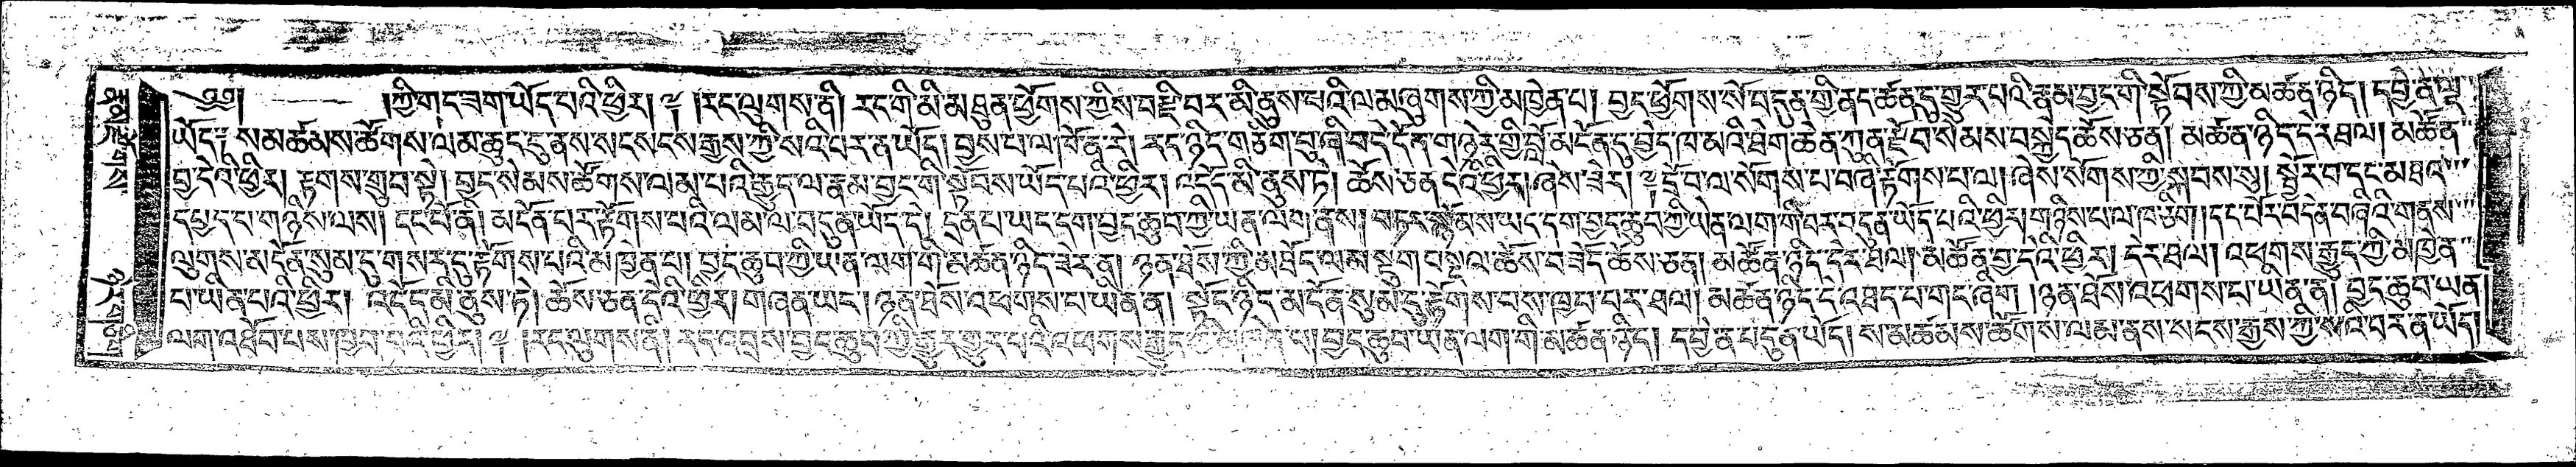༄༅། །ཀྱི་གང་ཟག་ཡོད་པའི་ཕྱིར། ༈ །རང་ལུགས་ནི། རང་གི་མི་མཐུན་ཕྱོགས་ཀྱིས་བརྫི་བར་མི་ནུས་པའི་ལམ་ཞུགས་ཀྱི་མཁྱེན་པ། བྱང་ཕྱོགས་སོ་བདུན་གྱི་ནང་ཚན་དུ་གྱུར་པའི་རྣམ་བྱང་གི་སྟོབས་ཀྱི་མཚན་ཉིད། དབྱེ་ན་ལྔ་
ཡོད༑ ས་མཚམས་ཚོགས་ལམ་ཆུང་ངུ་ནས་སངས་རྒྱས་ཀྱི་སའི་བར་ན་ཡོད། བྱས་པ་ལ་ཁོ་ན་རེ། རང་ཉིད་གཅིག་པུ་ཞི་བདེ་དོན་གཉེར་གྱི་བློ་མངོན་དུ་བྱེད་ཁ་མའི་ཐེག་ཆེན་ཀུན་རྫོབ་སེམས་བསྐྱེད་ཆོས་ཅན། མཚན་ཉིད་དེར་ཐལ། མཚོན་
བྱ་དེའི་ཕྱིར། རྟགས་གྲུབ་སྟེ། བྱང་སེམས་ཚོགས་ལམ་པའི་རྒྱུད་ལ་རྣམ་བྱང་གི་སྟོབས་ཡོད་པའི་ཕྱིར། འདོད་མི་ནུས་ཏེ། ཆོས་ཅན་དེའི་ཕྱིར། ཞེས་ཟེར། ༈ དྲོ་བ་ལ་སོགས་པ་བཞི་རྟོགས་པ་ལ། ཞེས་སོགས་ཀྱི་སྐབས་སུ། སྦྱོར་བ་དང་མཐའ་
དཔྱད་པ་གཉིས་ལས། དང་པོ་ནི། མངོན་པར་རྟོགས་པའི་ལམ་ལ་བདུན་ཡོད་དེ། དྲན་པ་ཡང་དག་བྱང་ཆུབ་ཀྱི་ཡན་ལག་ནས། བཏང་སྙོམས་ཡང་དག་བྱང་ཆུབ་ཀྱི་ཡན་ལག་གི་བར་བདུན་ཡོད་པའི་ཕྱིར། གཉིས་པ་ལ་ཁ་ཅིག །དང་པོར་བདེན་བཞིའི་གནས་
ལུགས་མངོན་སུམ་དུ་གསར་དུ་རྟོགས་པའི་མཁྱེན་པ། བྱང་ཆུབ་ཀྱི་ཡན་ལག་གི་མཚན་ཉིད་ཟེར་ན། ཉན་ཐོས་ཀྱི་མཐོང་ལམ་སྡུག་བསྔལ་ཆོས་བཟོད་ཆོས་ཅན། མཚན་ཉིད་དེར་ཐལ། མཚོན་བྱ་དེའི་ཕྱིར། དེར་ཐལ། འཕགས་རྒྱུད་ཀྱི་མཁྱེན་
པ་ཡིན་པའི་ཕྱིར། འདོད་མི་ནུས་ཏེ། ཆོས་ཅན་དེའི་ཕྱིར། གཞན་ཡང་། ཉན་ཐོས་འཕགས་པ་ཡིན་ན། སྟོང་ཉིད་མངོན་སུམ་དུ་རྟོགས་པས་ཁྱབ་པར་ཐལ། མཚན་ཉིད་དེ་འཐད་པ་གང་ཞིག །ཉན་ཐོས་འཕགས་པ་ཡིན་ན། བྱང་ཆུབ་ཡན་
ལག་འཐོབ་པས་ཁྱབ་པའི་ཕྱིར། ༈ །རང་ལུགས་ནི། རང་འབྲས་བྱང་ཆུབ་ཀྱི་རྒྱུར་གྱུར་པའི་འཕགས་རྒྱུད་ཀྱི་མཁྱེན་པ། བྱང་ཆུབ་ཡན་ལག་གི་མཚན་ཉིད། དབྱེ་ན་བདུན་ཡོད། ས་མཚམས་ཚོགས་ལམ་ནས་སངས་རྒྱས་ཀྱི་སའི་བར་ན་ཡོད།